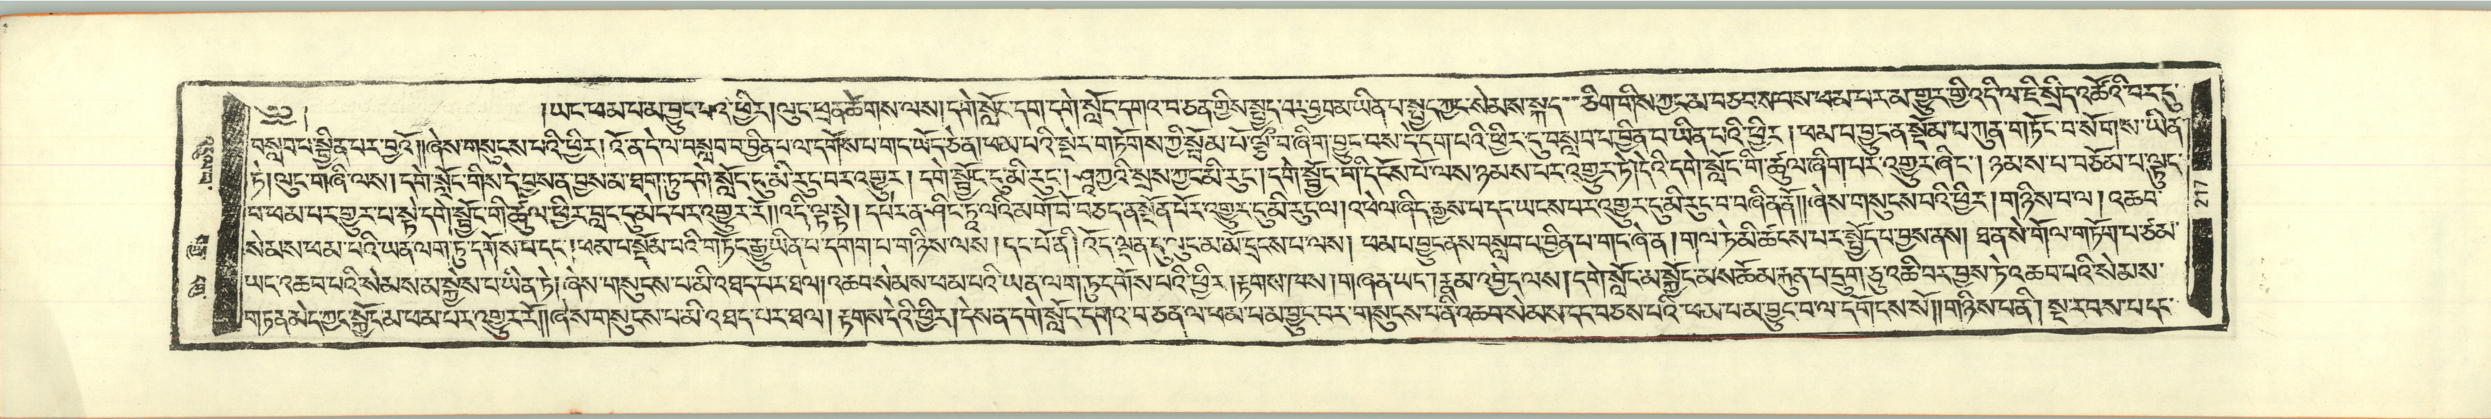༄༅། །ཡང་ཕམ་པ་མ་བྱུང་བའི་ཕྱིར། ལུང་ཕྲན་ཚེགས་ལས། དགེ་སློང་དག་དགེ་སློང་དགའ་བ་ཅན་གྱིས་སྤྱད་བར་བྱ་བ་མ་ཡིན་པ་སྤྱད་ཀྱང་སེམས་སྐད་ཅིག་གིས་ཀྱང་མ་བཅབས་བས་ཕམ་པར་མ་གྱུར་གྱི་འདི་ལ་ཇི་སྲིད་འཚོའི་བར་དུ་
བསླབ་པ་སྦྱིན་པར་བྱའོ། །ཞེས་གསུངས་པའི་ཕྱིར། འོ་ན་དེ་ལ་བསླབ་པ་བྱིན་པ་ལ་དགོས་པ་གང་ཡོད་ཅེ་ན། ཕམ་པའི་སྡེར་གཏོགས་ཀྱི་སྦོམ་པོ་ལྕི་བ་ཞིག་བྱུང་བས་དེ་དག་པའི་ཕྱིར་དུ་བསླབ་པ་བྱིན་པ་ཡིན་པའི་ཕྱིར། ཕམ་པ་བྱུང་ན་སྡོམ་པ་ཀུན་གཏོང་བ་སོགས་ཡིན་
ཏེ། ལུང་གཞི་ལས། དགེ་སློང་གིས་དེ་བྱས་ན་བྱས་མ་ཐག་ཏུ་དགེ་སློང་དུ་མི་རུང་བར་འགྱུར། དགེ་སྦྱོང་དུ་མི་རུང་། ཤཱ་ཀྱའི་སྲས་ཀྱང་མི་རུང་། དགེ་སྦྱོང་གི་དངོས་པོ་ལས་ཉམས་པར་འགྱུར་ཏེ། དེའི་དགེ་སློང་གི་ཚུལ་ཞིག་པར་འགྱུར་ཞིང་། ཉམས་པ་བཅོམ་པ་ལྟུང་
པ་ཕམ་པར་གྱུར་པ་སྟེ་དགེ་སྦྱོང་གི་ཚུལ་ཕྱིར་བླང་དུ་མེད་པར་འགྱུར་རོ། །འདི་ལྟ་སྟེ། དཔེར་ན་ཤིང་ཏཱ་ལའི་མགོ་བོ་བཅད་ན་སྔོན་པོར་འགྱུར་དུ་མི་རུང་ལ། འཕེལ་ཞིང་རྒྱས་པ་དང་ཡངས་པར་འགྱུར་དུ་མི་རུང་བ་བཞིན་ནོ། །ཞེས་གསུངས་པའི་ཕྱིར། གཉིས་པ་ལ། འཆབ་
སེམས་ཕམ་པའི་ཡན་ལག་ཏུ་དགོས་པ་དང་། ཕམ་པ་སྡོམ་པའི་གཏོང་རྒྱུ་ཡིན་པ་དགག་པ་གཉིས་ལས། དང་པོ་ནི། འོད་ལྡན་དུ་ལུང་མ་མོ་དྲངས་པ་ལས། ཕམ་པ་བྱུང་ནས་བསླབ་པ་བྱིན་པ་གང་ཞེ་ན། གལ་ཏེ་མི་ཚངས་པར་སྤྱོད་པ་བྱས་ནས། ཐ་ན་སེ་གོལ་གཏོག་པ་ཙམ་
ཡང་འཆབ་པའི་སེམས་མ་སྐྱེས་པ་ཡིན་ཏེ། ཞེས་གསུངས་པ་མི་འཐད་པར་ཐལ། འཆབ་སེམས་ཕམ་པའི་ཡན་ལག་ཏུ་དགོས་པའི་ཕྱིར། རྟགས་ཁས། གཞན་ཡང་། རྣམ་འབྱེད་ལས། དགེ་སློང་མ་སྐྱོང་མས་ཆོམ་རྐུན་པ་དྲུག་ཅུ་འཆི་བར་བྱས་ཏེ་འཆབ་པའི་སེམས་
གཏན་མེད་ཀྱང་སྐྱོད་མ་ཕམ་པར་འགྱུར་རོ། །ཞེས་གསུངས་པ་མི་འཐད་པར་ཐལ། རྟགས་དེའི་ཕྱིར། དེས་ན་དགེ་སློང་དགའ་བ་ཅན་ལ་ཕམ་པ་མ་བྱུང་བར་གསུངས་པ་ནི་འཆབ་སེམས་དང་བཅས་པའི་ཕམ་པ་མ་བྱུང་བ་ལ་དགོངས་སོ། །གཉིས་པ་ནི། སྔ་རབས་པ་དང་